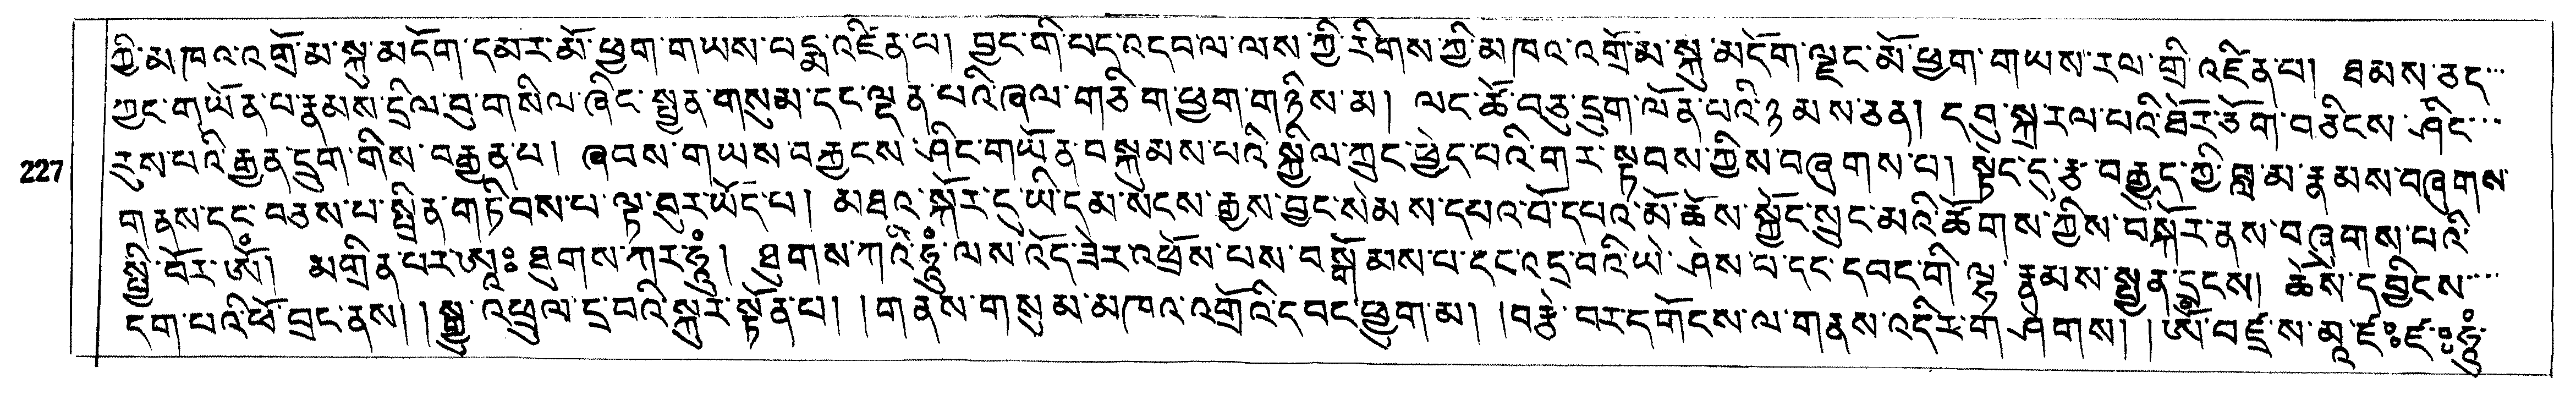ཀྱི་མཁའ་འགྲོ་མ་སྐུ་མདོག་དམར་མོ་ཕྱག་གཡས་པདམ་འཛིན་པ། བྱང་གི་པད་འདབ་ལ་ལས་ཀྱི་རིགས་ཀྱི་མཁའ་འགྲོ་མ་སྐུ་མདོག་ལྗང་མོ་ཕྱག་གཡས་རལ་གྲི་འཛིན་པ། ཐམས་ཅད་
ཀྱང་གཡོན་པ་རྣམས་དྲིལ་བུ་གསིལ་ཞིང་སྤྱན་གསུམ་དང་ལྡན་པའི་ཞལ་གཅིག་ཕྱག་གཉིས་མ། ལང་ཚོ་བཅུ་དྲུག་ལོན་པའི་ཉམས་ཅན། དབུ་སྐྲ་རལ་པའི་ཐོར་ཅོག་བཅིངས་ཤིང་
རུས་པའི་རྒྱན་དྲུག་གིས་བརྒྱན་པ། ཞབས་གཡས་བརྐྱངས་ཤིང་གཡོན་བསྐུམས་པའི་སྐྱིལ་ཀྲུང་ཕྱེད་པའི་གར་སྟབས་ཀྱིས་བཞུགས་པ། སྟེང་དུ་རྩ་བརྒྱུད་ཀྱི་བླ་མ་རྣམས་བཞུགས་
གནས་དང་བཅས་པ་སྤྲིན་གཏིབས་པ་ལྟ་བུར་ཡོད་པ། མཐའ་སྐོར་དུ་ཡི་དམ་སངས་རྒྱས་བྱང་སེམས་དཔའ་བོ་དཔའ་མོ་ཆོས་སྐྱོང་སྲུང་མའི་ཚོགས་ཀྱིས་བསྐོར་ནས་བཞུགས་པའི་
སྤྱི་བོར་ཨོཾ། མགྲིན་པར་ཨཱཿ ཐུགས་ཀར་ཧཱུཾ། ཐུགས་ཀའི་ཧཱུཾ་ལས་འོད་ཟེར་འཕྲོས་པས་བསྒོམས་པ་དང་འདྲ་བའི་ཡེ་ཤེས་པ་དང་དབང་གི་ལྷ་རྣམས་སྤྱན་དྲངས། ཆོས་དབྱིངས་
དག་པའི་ཕོ་བྲང་ནས། །སྒྱུ་འཕྲུལ་དྲ་བའི་སྐུར་སྟོན་པ། །གནས་གསུམ་མཁའ་འགྲོའི་དབང་ཕྱུག་མ། །བརྩེ་བར་དགོངས་ལ་གནས་འདིར་གཤེགས། །ཨོཾ་བཛྲ་ས་མཱ་ཛཿ ཛཿ ཧཱུཾ་